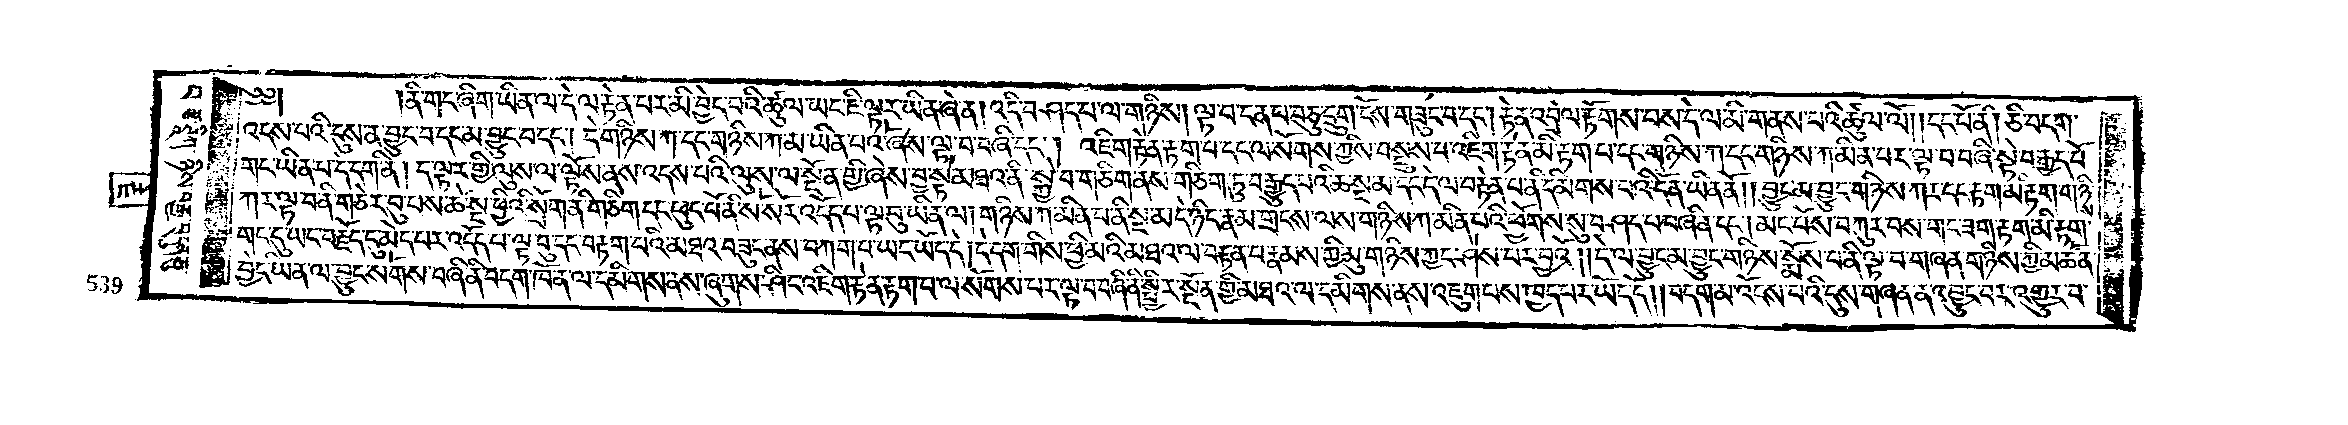༄༅། །ནི་གང་ཞིག་ཡིན་ལ་དེ་ལ་རྟེན་པར་མི་བྱེད་པའི་ཚུལ་ཡང་ཇི་ལྟར་ཡིན་ཞེ་ན། འདི་བཤད་པ་ལ་གཉི། ལྟ་བ་ངན་པ་བཅུ་དྲུག་ངོས་གཟུང་བ་དང་། རྟེན་འབྲེལ་རྟོགས་པ་དེ་ལ་མི་གནས་པའི་ཚུལ་ལོ། །དང་པོ་ནི། ཅི་བདག་
འདས་པའི་དུས་ན་བྱུང་བ་དང་མ་བྱུང་བ་དང་། དེ་གཉིས་ཀ་དང་གཉིས་ཀ་མ་ཡིན་པའོ་ཞེས་ལྟ་བ་བཞི་དང་། འཇིག་རྟེན་རྟག་པ་དང་ལ་སོགས་ཀྱིས་བསྡུས་པ་འཇིག་རྟེན་མི་རྟག་པ་དང་གཉིས་ཀ་དང་གཉིས་ཀ་མིན་པར་ལྟ་བ་བཞིན་སྟེ་བརྒྱད་པོ་
གང་ཡིན་པ་དེ་དག་ནི། དེ་ལྟར་གྱི་ལུས་ལ་ལྟོས་ནས་འདས་པའི་ལུས་ལ་སྔོན་གྱི་ཞེས་བྱ་སྟེ་མཐའ་ནི་སྐྱེ་བ་གཅིག་ནས་གཅིག་ཏུ་བརྒྱུད་པའི་ཆ་སྔ་མ་དང་དེ་ལ་བརྟེན་པ་ནི་དམིགས་པའི་དོན་ཡིན་ནོ། །བྱུང་མ་བྱུང་གཉིས་ཀར་དང་རྟག་མི་རྟག་གཉིས་
ཀར་ལྟ་བ་ནི་གཅེར་བུ་པས་ཚེ་སྔ་ཕྱིའི་སྲོག་ནི་གཅིག་དང་ཕུང་པོ་ནི་སོ་སོར་འདོད་པ་ལྟ་བུ་ཡིན་ལ། གཉིས་ཀ་པ་ནི་སྔ་མ་དེ་ཉིད་རྣམ་གྲངས་ལས་གཉིས་ཀ་མིན་པའི་ཕྱོགས་སུ་བཤད་པ་བཞིན་དང་། མང་པོས་བཀུར་པས་གང་ཟག་རྟག་མི་རྟག་
གང་དུ་ཡང་བརྗོད་དུ་མེད་པར་འདོད་པ་ལྟ་བུ་དང་བརྟག་པའི་མཐའ་བཟུང་ནས་ནས་བཀག་པ་ཡང་ཡོད་དེ། དེ་དག་གིས་ཕྱི་མའི་མཐའ་ལ་བརྟེན་པ་རྣམས་ཀྱི་མུ་གཉིས་ཀྱང་ཤེས་པར་བྱའོ། ད།ཨེ་ལ་བྱུང་མ་བྱུང་གཉིས་སྨོས་པ་ནི་ལྟ་བ་གཞན་གཉིས་ཀྱི་མཚོན་
བྱེད་ཡིན་ལ་བྱུང་སོགས་བཞི་ནི་བདག་ཁོ་ན་ལ་དམིགས་ནས་ཞུགས་ཤིང་འཇིག་རྟེན་རྟག་པ་ལ་སོགས་པར་ལྟ་བ་བཞི་ནི་སྦྱོར་སྔོན་གྱི་མཐའ་ལ་དམིགས་ནས་འཇུག་པས་ཁྱད་པར་ཡོད་དོ། །བདག་མ་འོགས་པའི་དུས་གཞན་ན་འབྱུང་བར་འགྱུར་བ་